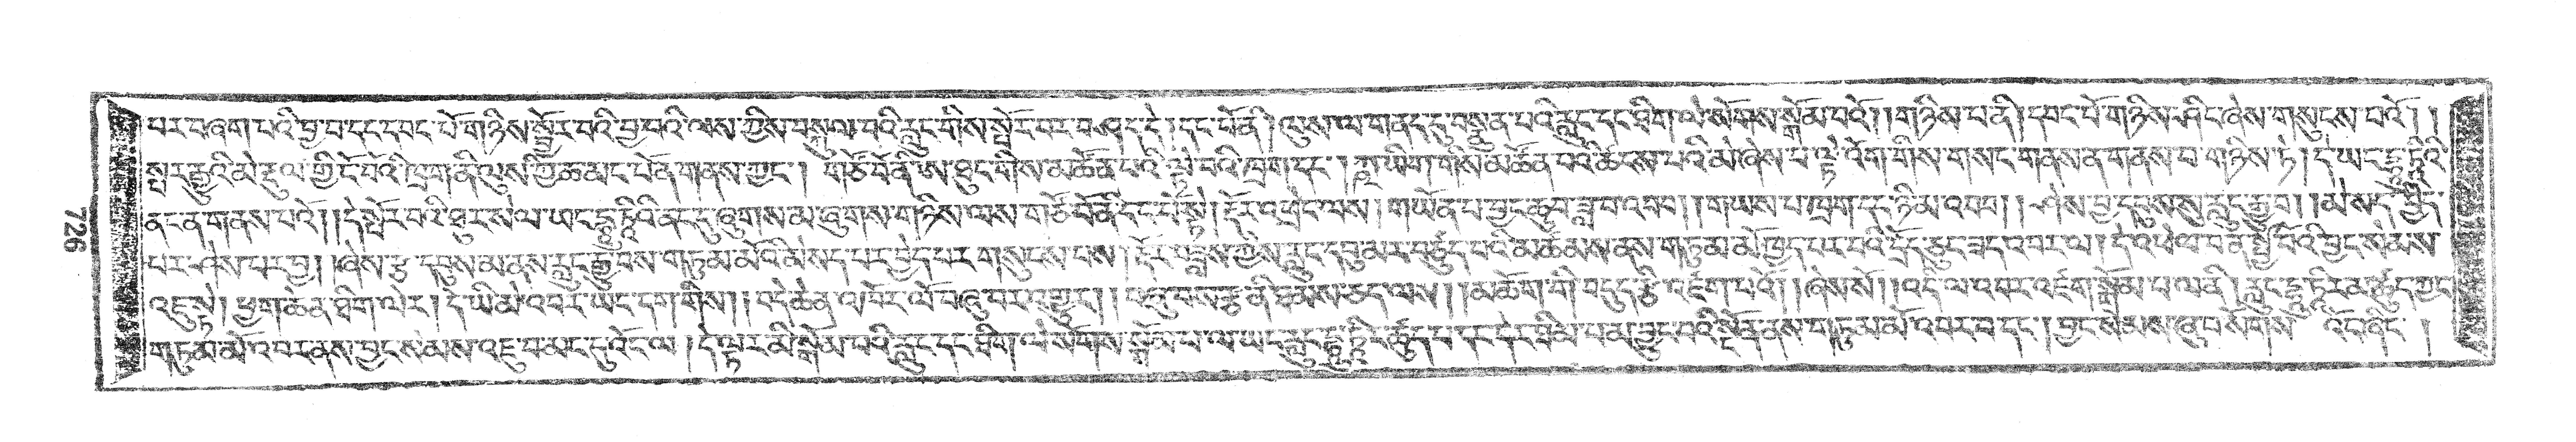པར་བཞག་པའི་བྱ་བ་དང་དབང་པོ་གཉིས་སྦྱོར་བའི་བྱ་བའི་ལས་ཀྱིས་བསྐུལ་བའི་རླུང་གིས་སྤོར་བར་བཤད་དེ། དང་པོ་ནི། ལུས་ལ་གནད་དུ་བསྣུན་པའི་རླུང་དང་ཐིག་ལེ་སོགས་སྒོམ་པའོ། །གཉིས་པ་ནི། དབང་པོ་གཉིས་ཤིང་ཞེས་གསུངས་པའོ། །
སྤར་རྒྱུའི་མེ་རྡུལ་གྱི་ངོ་བོའི་ཁྲག་ནི་ལུས་ཀྱི་ཆ་མང་པོ་ན་གནས་ཀྱང་། གཙོ་བོ་ནི་ཨ་ཐུང་གིས་མཚོན་པའི་ལྟེ་བའི་ཁྲག་དང་། ཀྵ་ཡིག་གིས་མཚོན་པའི་ཚངས་པའི་མེ་ཞེས་པ་ལྟེ་འོག་གིས་གསང་གནས་ན་གནས་པ་གཉིས་ཏེ། དེ་ཡང་དྷཱུ་ཏཱིའི་
ནང་ན་གནས་པའོ། །དེ་སྤོར་བའི་ཐུར་སེལ་ཡང་དྷཱུ་ཏཱིའི་ནང་དུ་ཞུགས་མ་ཞུགས་གཉིས་ལས་གཙོ་བོ་ནི་དང་པོ་སྟེ། རྡོར་འཕྲེང་ལས། གཡོན་པ་བྱང་ཆུབ་ཟླ་བ་འབབ། །གཡས་པ་ཁྲག་དང་ཉི་མ་འབབ། །ཤེས་བྱ་དབུས་སུ་རླུང་རྒྱུ་བ། །མེ་སད་བྱེད་
པར་ཤེས་པར་བྱ། །ཞེས་རྩ་དབུས་མ་ནས་རླུང་རྒྱུ་བས་གཏུམ་མོའི་མེ་སད་པར་བྱེད་པར་གསུངས་པས། རྡོར་བཟླས་ཀྱིས་རླུང་དབུ་མར་བཙུད་པའི་མཚམས་ནས་གཏུམ་མོ་ཁྱད་པར་བའི་དྲོད་ཅུང་ཟད་འབར་ལ། དེ་འཕེལ་བ་ན་སྤྱི་བོའི་བྱང་སེམས་
འཇུ་སྟེ། ཕྱག་ཆེན་ཐིག་ལེར། དེ་ཡི་མེ་འབར་ཡང་དག་གིས། །བདེ་ཆེན་འཁོར་ལོ་བཞུ་བར་འགྱུར། །བཞུ་བས་རྩ་ནི་ཐམས་ཅད་ལས། །མཆོག་གི་བདུད་རྩི་འཛག་པའོ། །ཞེས་སོ། །འདི་ལ་འབར་འཛག་སྒོམ་པ་ལ་ནི། རླུང་དྷཱུ་ཏཱིར་མ་ཚུད་ཀྱང་
གཏུམ་མོ་འབར་ནས་བྱང་སེམས་འཇུ་བ་མང་དུ་འོང་ལ། དེ་ལྟར་མི་སྒོམ་པའི་རླུང་དང་ཐིག་ལེ་སོགས་སྒོམ་པ་ལ་ཡང་རླུང་དྷཱུ་ཏཱིར་ཚུད་པ་དང་དེར་ཐིམ་པ་མ་བྱུང་བའི་སྔོན་ནས་གཏུམ་མོ་འབར་བ་དང་། བྱང་སེམས་ཞུ་བ་སོགས་འོང་ཞིང་།